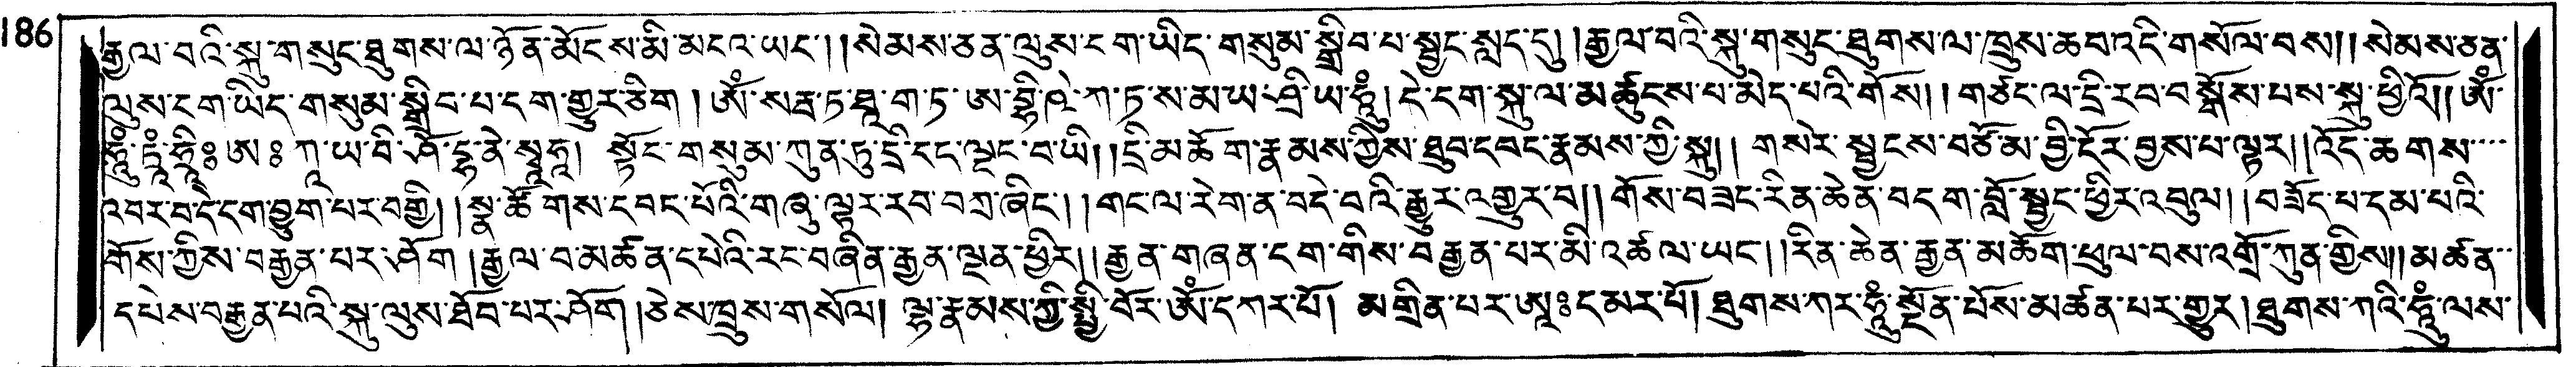རྒྱལ་བའི་སྐུ་གསུང་ཐུགས་ལ་ཉོན་མོངས་མི་མངའ་ཡང་། །སེམས་ཅན་ལུས་ངག་ཡིད་གསུམ་སྒྲིབ་པ་སྦྱང་སླད་དུ། །རྒྱལ་བའི་སྐུ་གསུང་ཐུགས་ལ་ཁྲུས་ཆབ་འདི་གསོལ་བས། །སེམས་ཅན་
ལུས་ངག་ཡིད་གསུམ་སྒྲིབ་པ་དག་གྱུར་ཅིག །ཨོཾ་སརྦ་ཏ་ཐཱ་ག་ཏ་ཨ་བྷི་ཥེ་ཀ་ཏ་ས་མ་ཡ་ཤྲི་ཡ་ཧཱུཾ། དེ་དག་སྐུ་ལ་མཚུངས་པ་མེད་པའི་གོས། །གཙང་ལ་དྲི་རབ་བསྒོས་པས་སྐུ་ཕྱིའོ། །ཨོཾ་
ཧཱུཾ་ཏྲཱཾ་ཧྲཱིཿ ཨཿ ཀཱ་ཡ་བི་ཤོ་དྷ་ནེ་སྭཱ་ཧཱ། སྟོང་གསུམ་ཀུན་ཏུ་དྲི་ངད་ལྔང་བ་ཡི། །དྲི་མཆོག་རྣམས་ཀྱིས་ཐུབ་དབང་རྣམས་ཀྱི་སྐུ། །གསེར་སྦྱངས་བཙོ་མ་བྱི་དོར་བྱས་པ་ལྟར། །འོད་ཆགས་
འབར་བ་དེ་དག་བྱུག་པར་བགྱི། །སྣ་ཚོགས་དབང་པོའི་གཞུ་ལྟར་རབ་བཀྲ་ཞིང་། །གང་ལ་རེག་ན་བདེ་བའི་རྒྱུར་འགྱུར་བ། །གོས་བཟང་རིན་ཆེན་བདག་བློ་སྦྱང་ཕྱིར་འབུལ། །བཟོད་པ་དམ་པའི་
གོས་ཀྱིས་བརྒྱན་པར་ཤོག །རྒྱལ་བ་མཚན་དཔེའི་རང་བཞིན་རྒྱན་ལྡན་ཕྱིར། །རྒྱན་གཞན་ངག་གིས་བརྒྱན་པར་མི་འཚལ་ཡང་། །རིན་ཆེན་རྒྱན་མཆོག་ཕུལ་བས་འགྲོ་ཀུན་གྱིས། །མཚན་
དཔེས་བརྒྱན་པའི་སྐུ་ལུས་ཐོབ་པར་ཤོག །ཅེས་ཁྲུས་གསོལ། ལྷ་རྣམས་ཀྱི་སྤྱི་བོར་ཨོཾ་དཀར་པོ། མགྲིན་པར་ཨཱཿ དམར་པོ། ཐུགས་ཀར་ཧཱུཾ་སྔོ་པོས་མཚན་པར་གྱུར། ཐུགས་ཀའི་ཧཱུཾ་ལས་